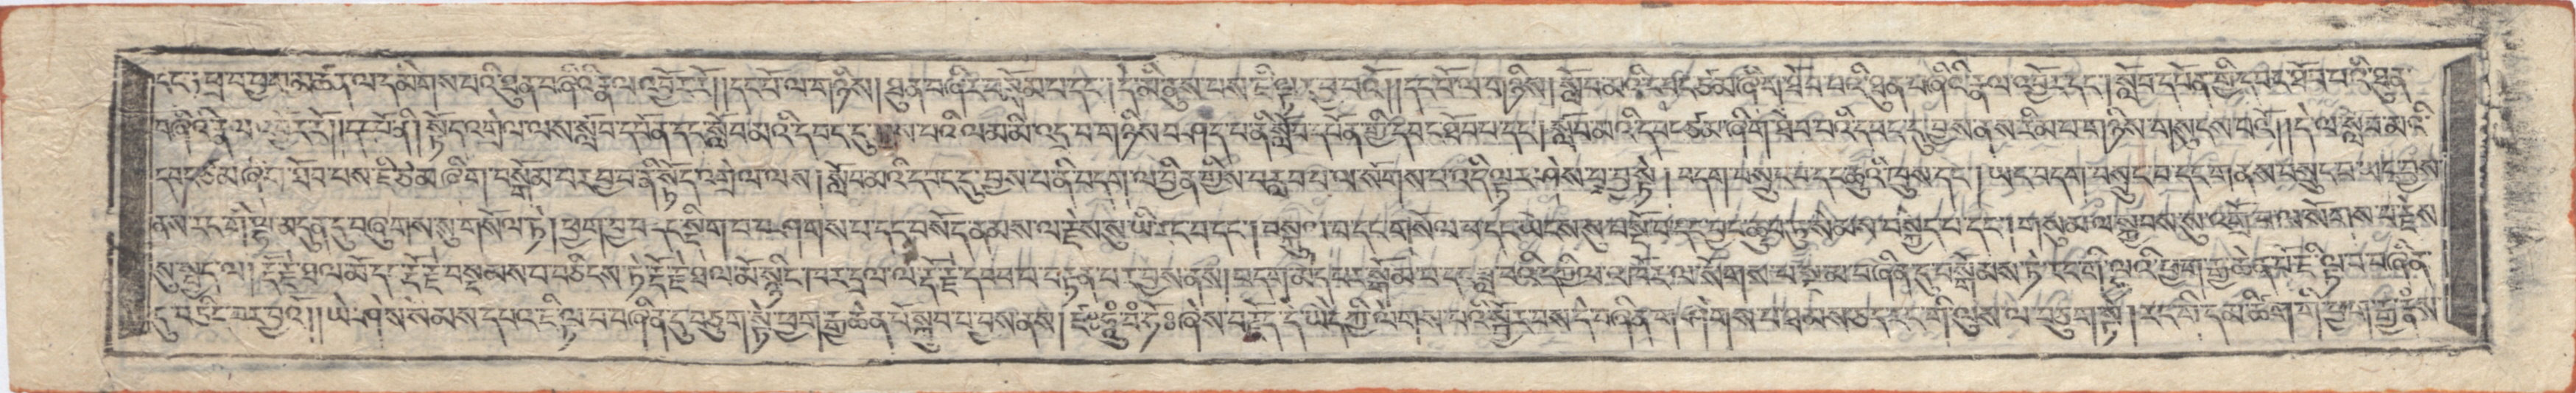དང༑ ཕྲ་བ་ཕྱག་མཚན་ལ་དམིགས་པའི་ཐུན་བཞིའི་རྣལ་འབྱོར་རོ། །དང་པོ་ལ་གཉིས། ཐུན་བཞིར་བསྒོམ་པ་དང་། དེ་མི་ནུས་པས་ཇི་ལྟར་བྱ་བའོ། །དང་པོ་ལ་གཉིས། སློབ་མའི་དབང་ཙམ་ཞིག་ཐོབ་པའི་ཐུན་བཞིའི་རྣལ་འབྱོར་དང་། སློབ་དཔོན་གྱི་དབང་ཐོབ་པའི་ཐུན་
བཞིའི་རྣལ་འབྱོར་རོ། །དང་པོ་ནི། སྟོད་འགྲེལ་ལས་སློབ་དཔོན་དང་སློབ་མའི་དབང་དུ་བྱས་པའི་ལམ་མི་འདྲ་བ་གཉིས་བཤད་པ་ནི་སློབ་དཔོན་གྱི་དབང་ཐོབ་པ་དང་། སློབ་མའི་དབང་ཙམ་ཞིག་ཐོབ་པའི་དབང་དུ་བྱས་ནས་རིམ་པ་གཉིས་གསུངས་པའོ། །དེ་ལ་སློབ་མའི་
དབང་ཙམ་ཞིག་ཐོབ་པས་ཇི་ཙམ་ཞིག་བསྒོམ་པར་བྱ་བ་ནི་སྟོད་འགྲེལ་ལས། སློབ་མའི་དབང་དུ་བྱས་པ་ནི་བདག་ལ་བྱིན་གྱིས་བརླབ་པ་ལ་སོགས་པ་འདི་ལྟར་ཤེས་པར་བྱ་སྟེ། བདག་བསྲུང་བ་དང་ཆུའི་ཁྲུས་དང་། ཡང་བདག་བསྲུང་བ་དང་གནས་བསྲུང་བ་ཡང་བྱས་
ནས་རང་གི་ལྷ་མདུན་དུ་བཞུགས་སུ་གསོལ་ཏེ། ཕྱག་བྱ་བ་དང་སྡིག་པ་བཤགས་པ་དང་བསོད་ནམས་ལ་རྗེས་སུ་ཡི་རང་བ་དང་། བསྐུལ་བ་དང་གསོལ་བ་དང་ཡོངས་སུ་བསྔོ་བ་དང་བྱང་ཆུབ་ཏུ་སེམས་བསྐྱེད་པ་དང་། གསུམ་ལ་སྐྱབས་སུ་འགྲོ་བ་ལ་སོགས་པ་རྗེས་
སུ་སྤྱད་ལ། རྡོ་རྗེ་ཐལ་མོ་དང་རྡོ་རྗེ་བསྡམས་པ་བཅིངས་ཏེ་རྡོ་རྗེ་ཐལ་མོ་སྙིང་ཁར་དྲལ་ལ་རྡོ་རྗེ་དབབ་པ་བརྟན་པར་བྱས་ནས། བདག་མེད་པར་སྒོམ་པ་དང་ཟླ་བའི་དཀྱིལ་འཁོར་ལ་སོགས་པ་སྔ་མ་བཞིན་དུ་བསྒོམས་ཏེ་རང་གི་ལྷའི་ཕྱག་རྒྱ་ཆེན་པོ་ཇི་ལྟ་བ་བཞིན་
དུ་བཅིང་བར་བྱའོ། །ཡེ་ཤེས་སེམས་དཔའ་ཇི་ལྟ་བ་བཞིན་དུ་བཅུག་སྟེ་ཕྱག་རྒྱ་ཆེན་པོ་སྒྲུབ་པ་བྱས་ནས། ཛཿ ཧཱུཾ་བཾ་ཧོཿ ཞེས་བརྗོད་དེ་ཡིད་ཀྱི་ལེགས་པའི་སྦྱོར་བས་དེ་བཞིན་གཤེགས་པ་ཐམས་ཅད་རང་གི་ལུས་ལ་བཅུག་སྟེ། རང་གི་དམ་ཚིག་གི་ཕྱག་རྒྱ་རྣམས་